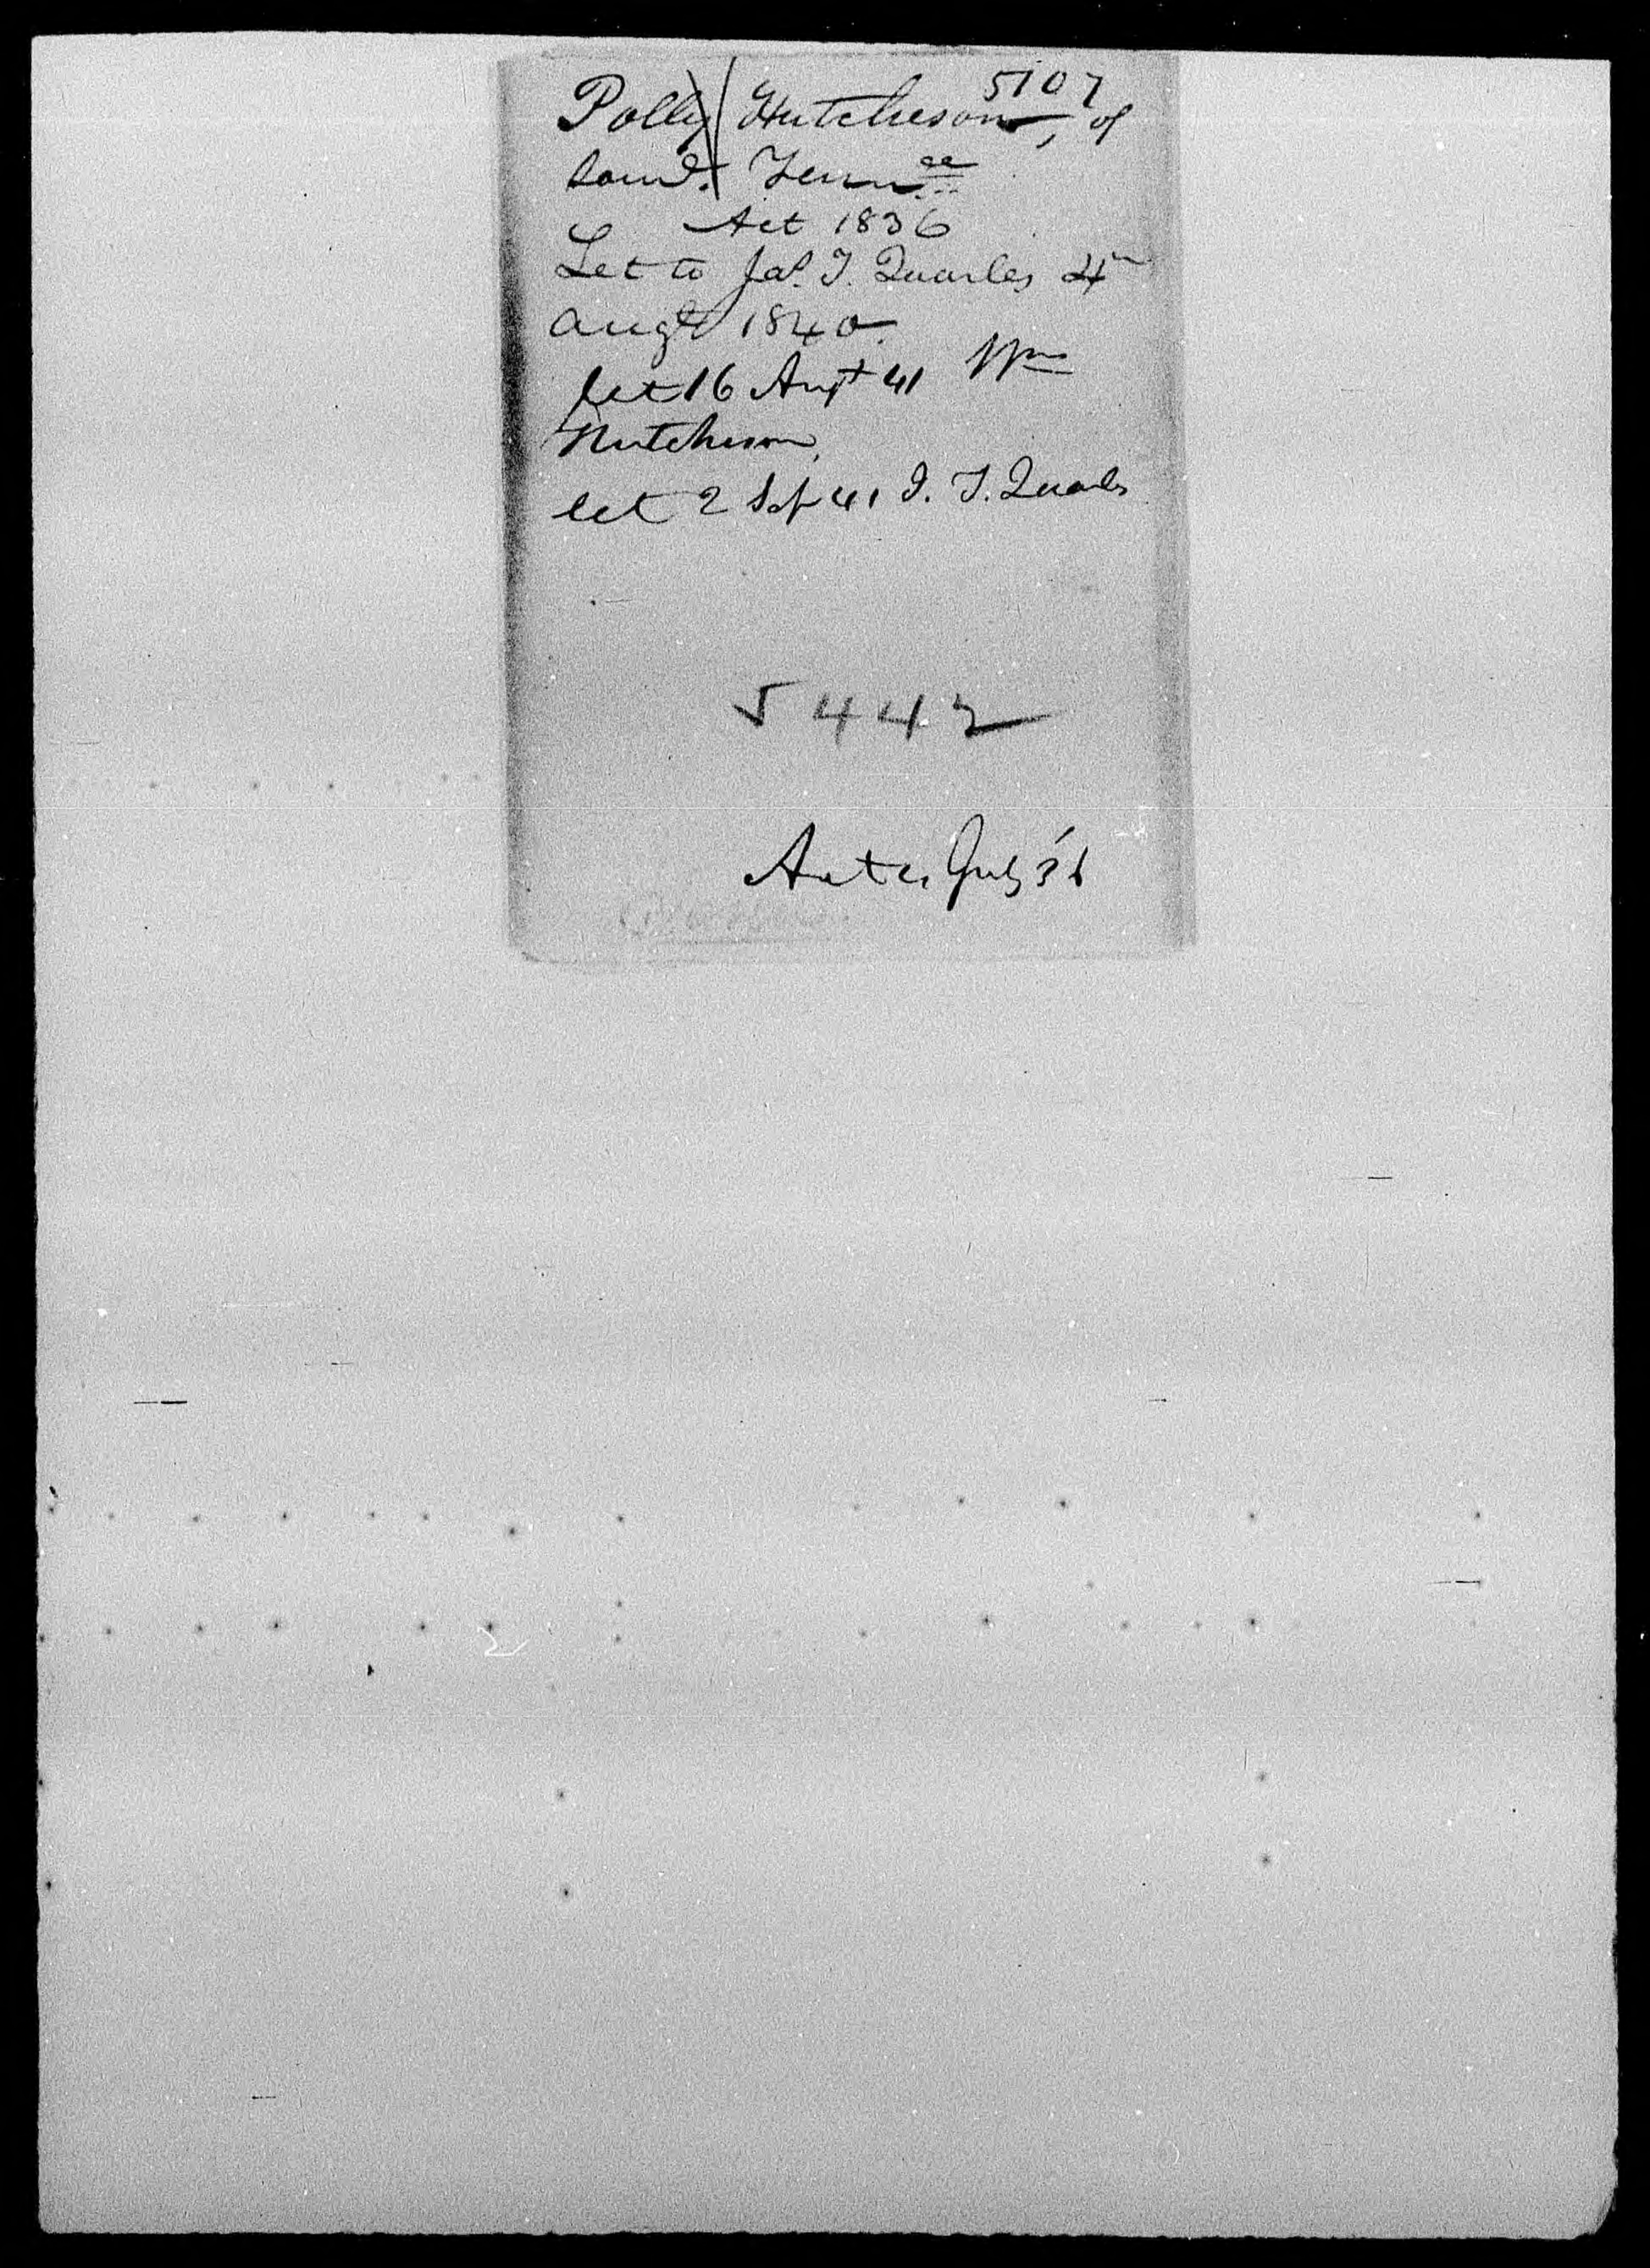Polly Hutcheson [Hutchison] 5107, of Saml [Samuel] Tenn.ce [Tennessee] Act 1836 

Let [Letter] to Jas [James] T. Quarles 4th Augt [August] 1840

Let [Letter] 16 Augt [August] 41 [1841] Wm. Hutchison [Hutchinson]

Let [Letter] 2 Sep [September] 41 [1841] J. T. Quarles

5442

Act 4 July ‘36 [1836]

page: 12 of 19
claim: rejected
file: R. 5442, for Samuel Hutchison, Virginia